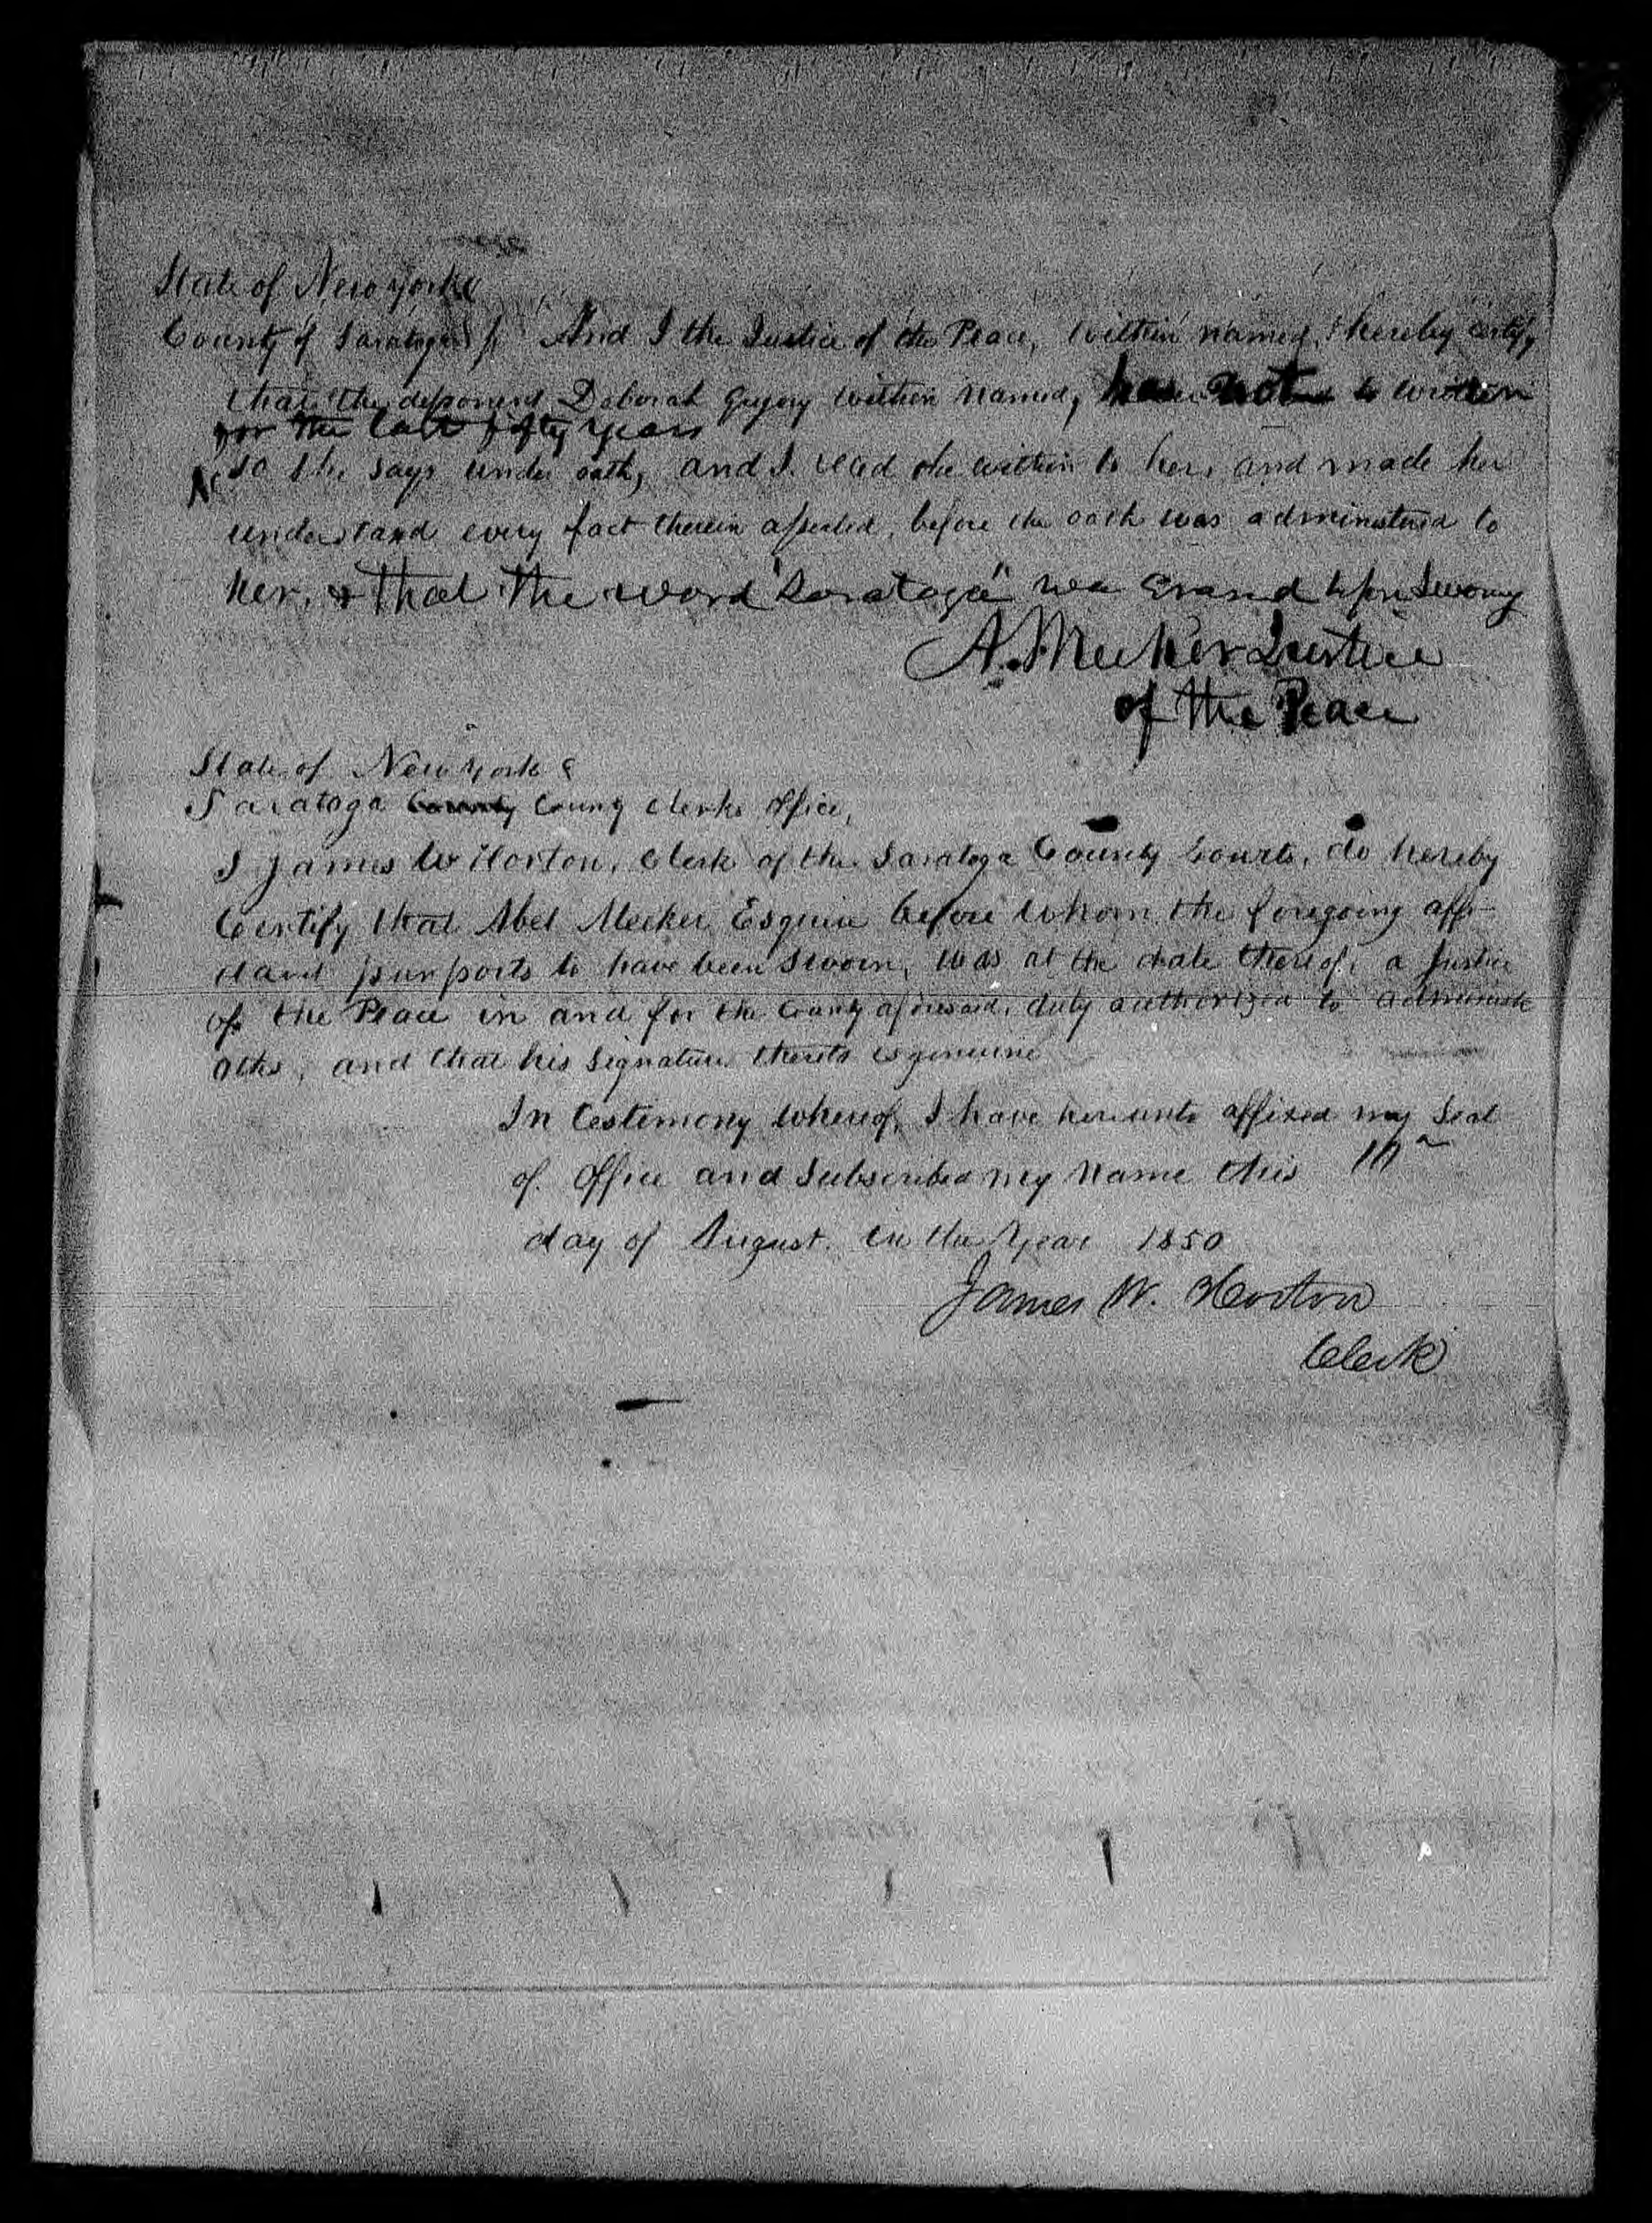State of New York
County of Saratoga}Ss. And I the Justice of the Peace, within named, hereby certify that the deponent Deborah Gregory within named, has not so written for the last fifty years so she says under oath, and I read the within to her and made her understand every fact therein asserted, before the oath was administered to her & that the word "Saratoga" was erased before swearing.
A. Meeker Justice of the Peace

State of New York
Saratoga County Clerk's Office,
I James W. Horton, clerk of the Saratoga County Courts, do hereby certify that Abel Meeker Esquire before whom the foregoing affidavit purports to have been sworn, was at the date thereof, a Justice of the Peace in and for the county aforesaid, duly authorized to administer oaths, and that his signature thereto is genuine.
In testimony whereof, I have hereunto affixed my seal of office and subscribed my name this 17th day of August in the year 1850.
James W. Horton Clerk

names: Abel Meeker, James W Horton, Deborah Gregory, A Meeker, James W Horton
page: 27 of 34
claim: widow's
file: W. 1596, Joseph Gregory, Conn.